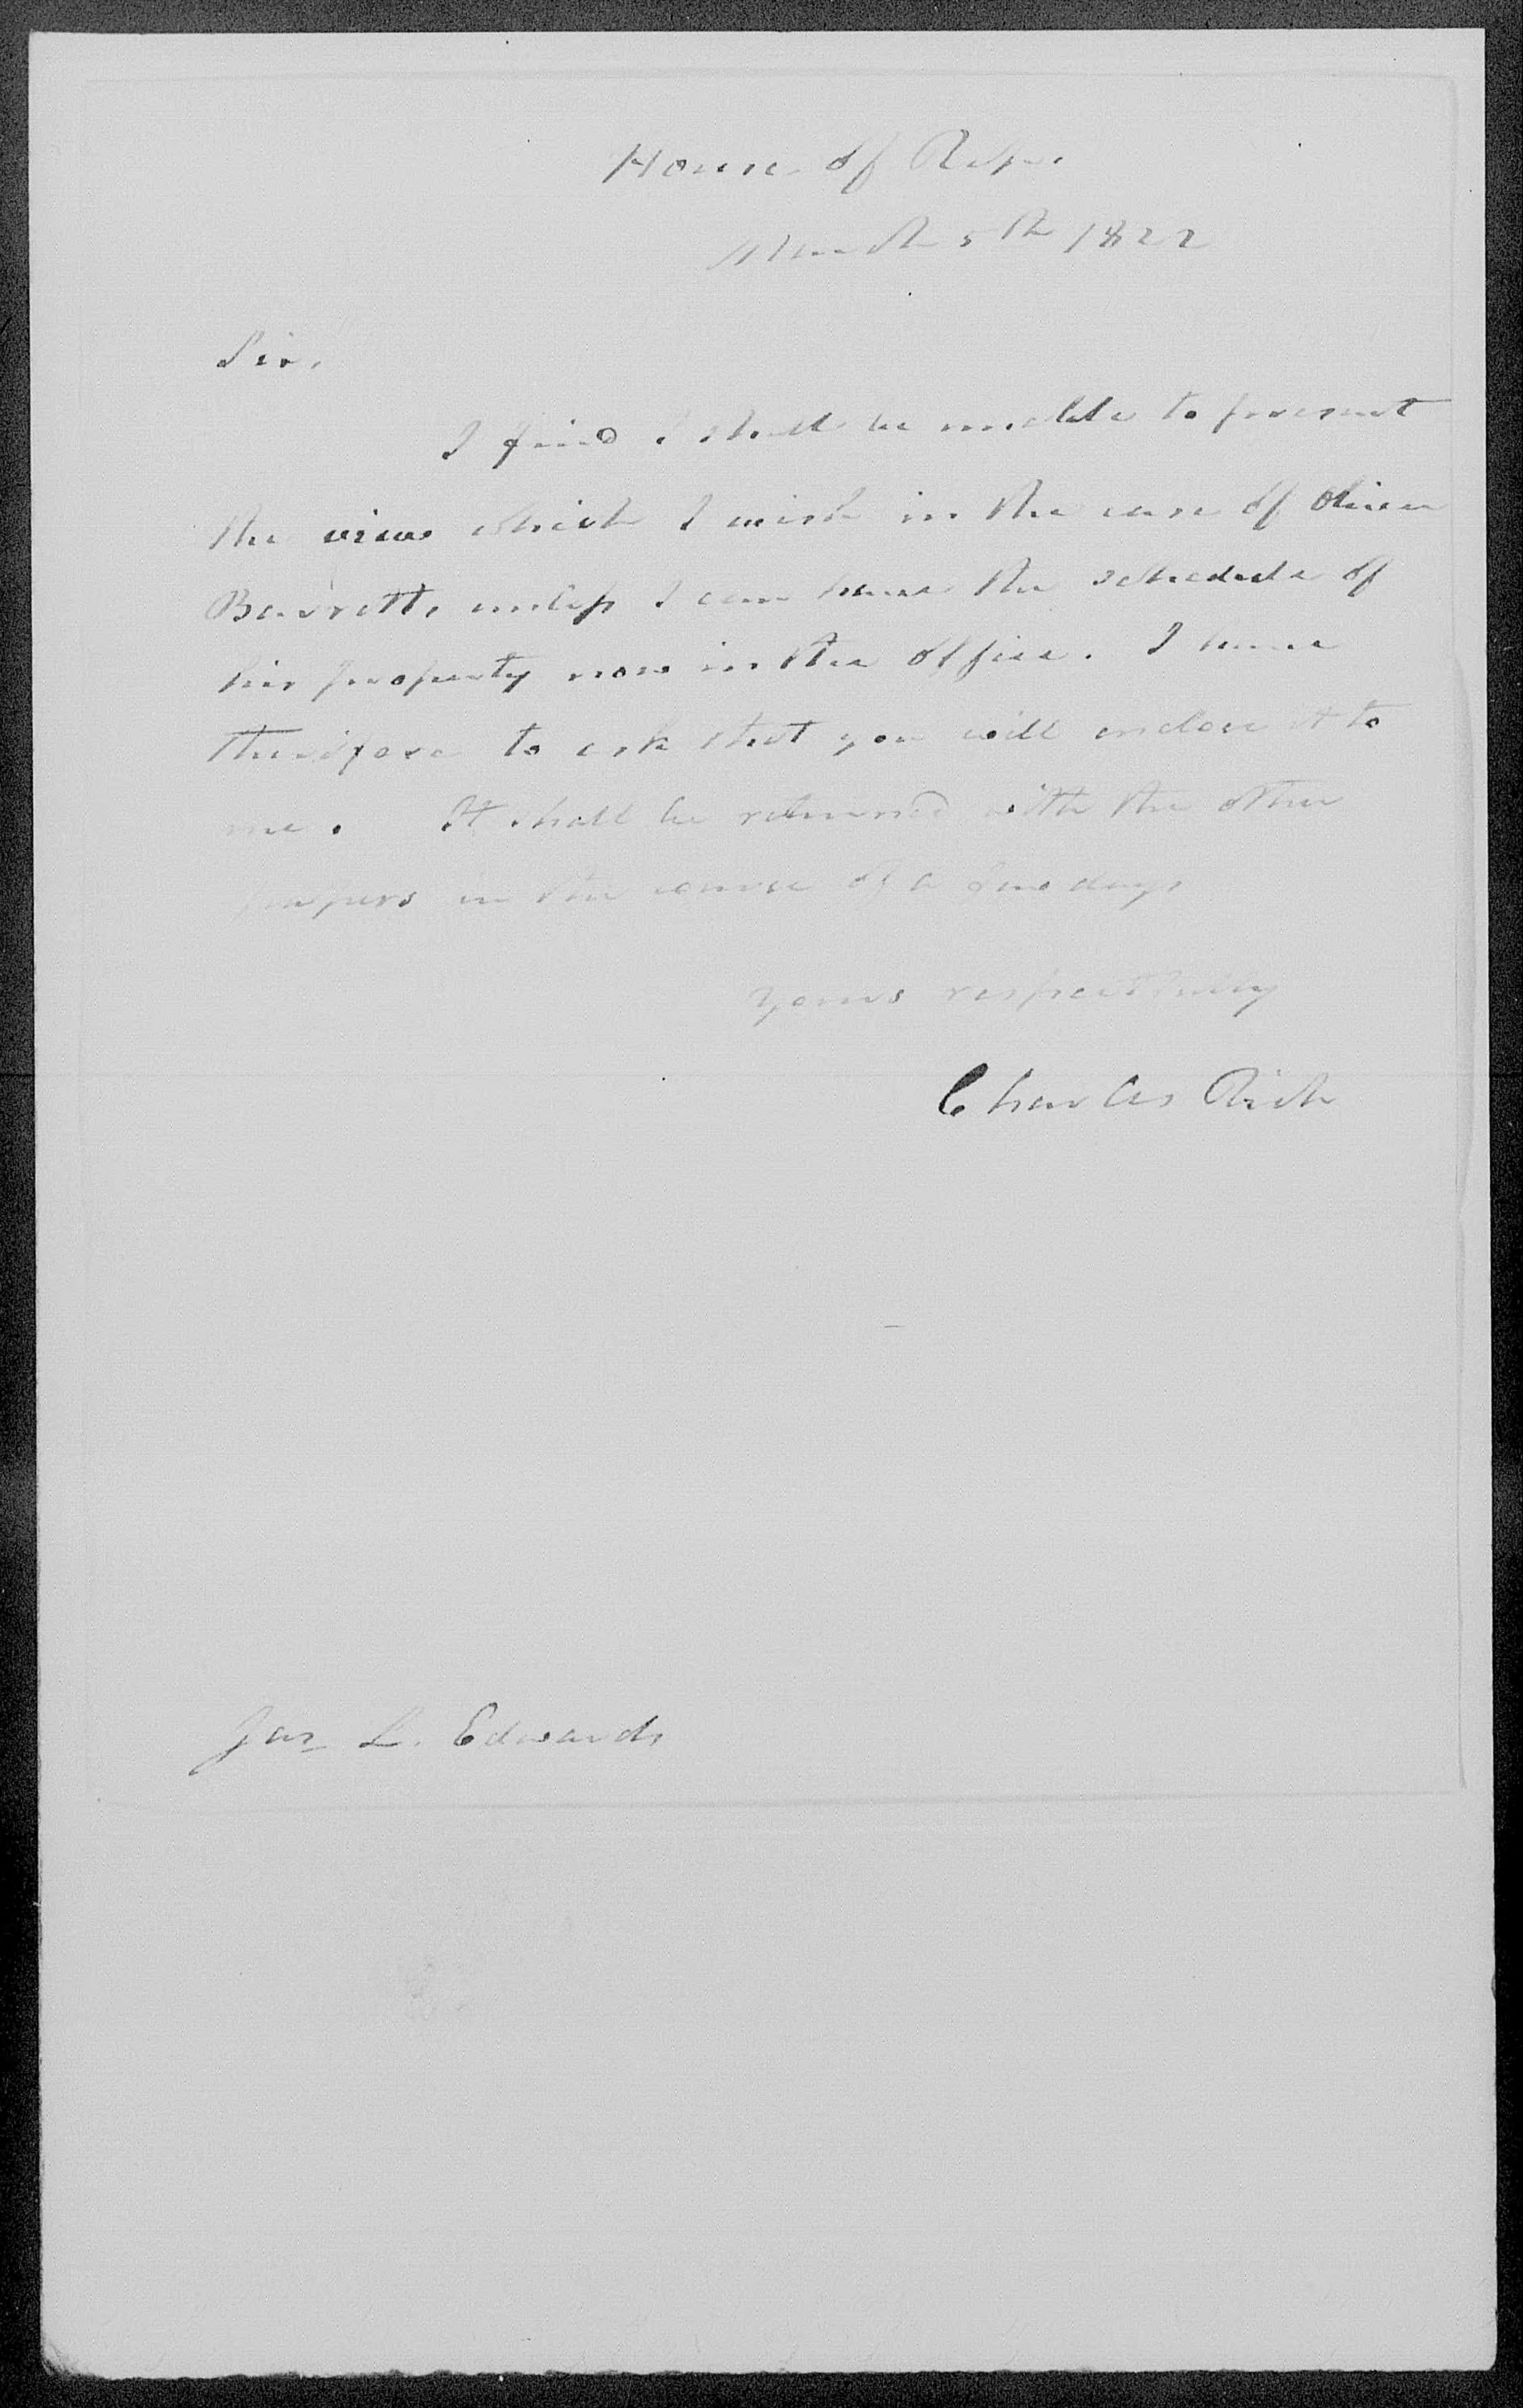House of Rps
March 5th 1822

Sir, 
I find I should be unable to present the view which I wish in the case of Oliver Barrett unless I can prove the schedule of his property now in the office. I have therefore to ask that you will enclose it to me. It shall be returned with the other papers in the course of a few days. 
Yours respectfully
Charles Rich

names: Jas L Edwards, Oliver Barrett, Charles Rich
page: 43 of 83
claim: widow's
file: W. 10,384, Oliver Barrett, Continental (Vt.) N.Y.